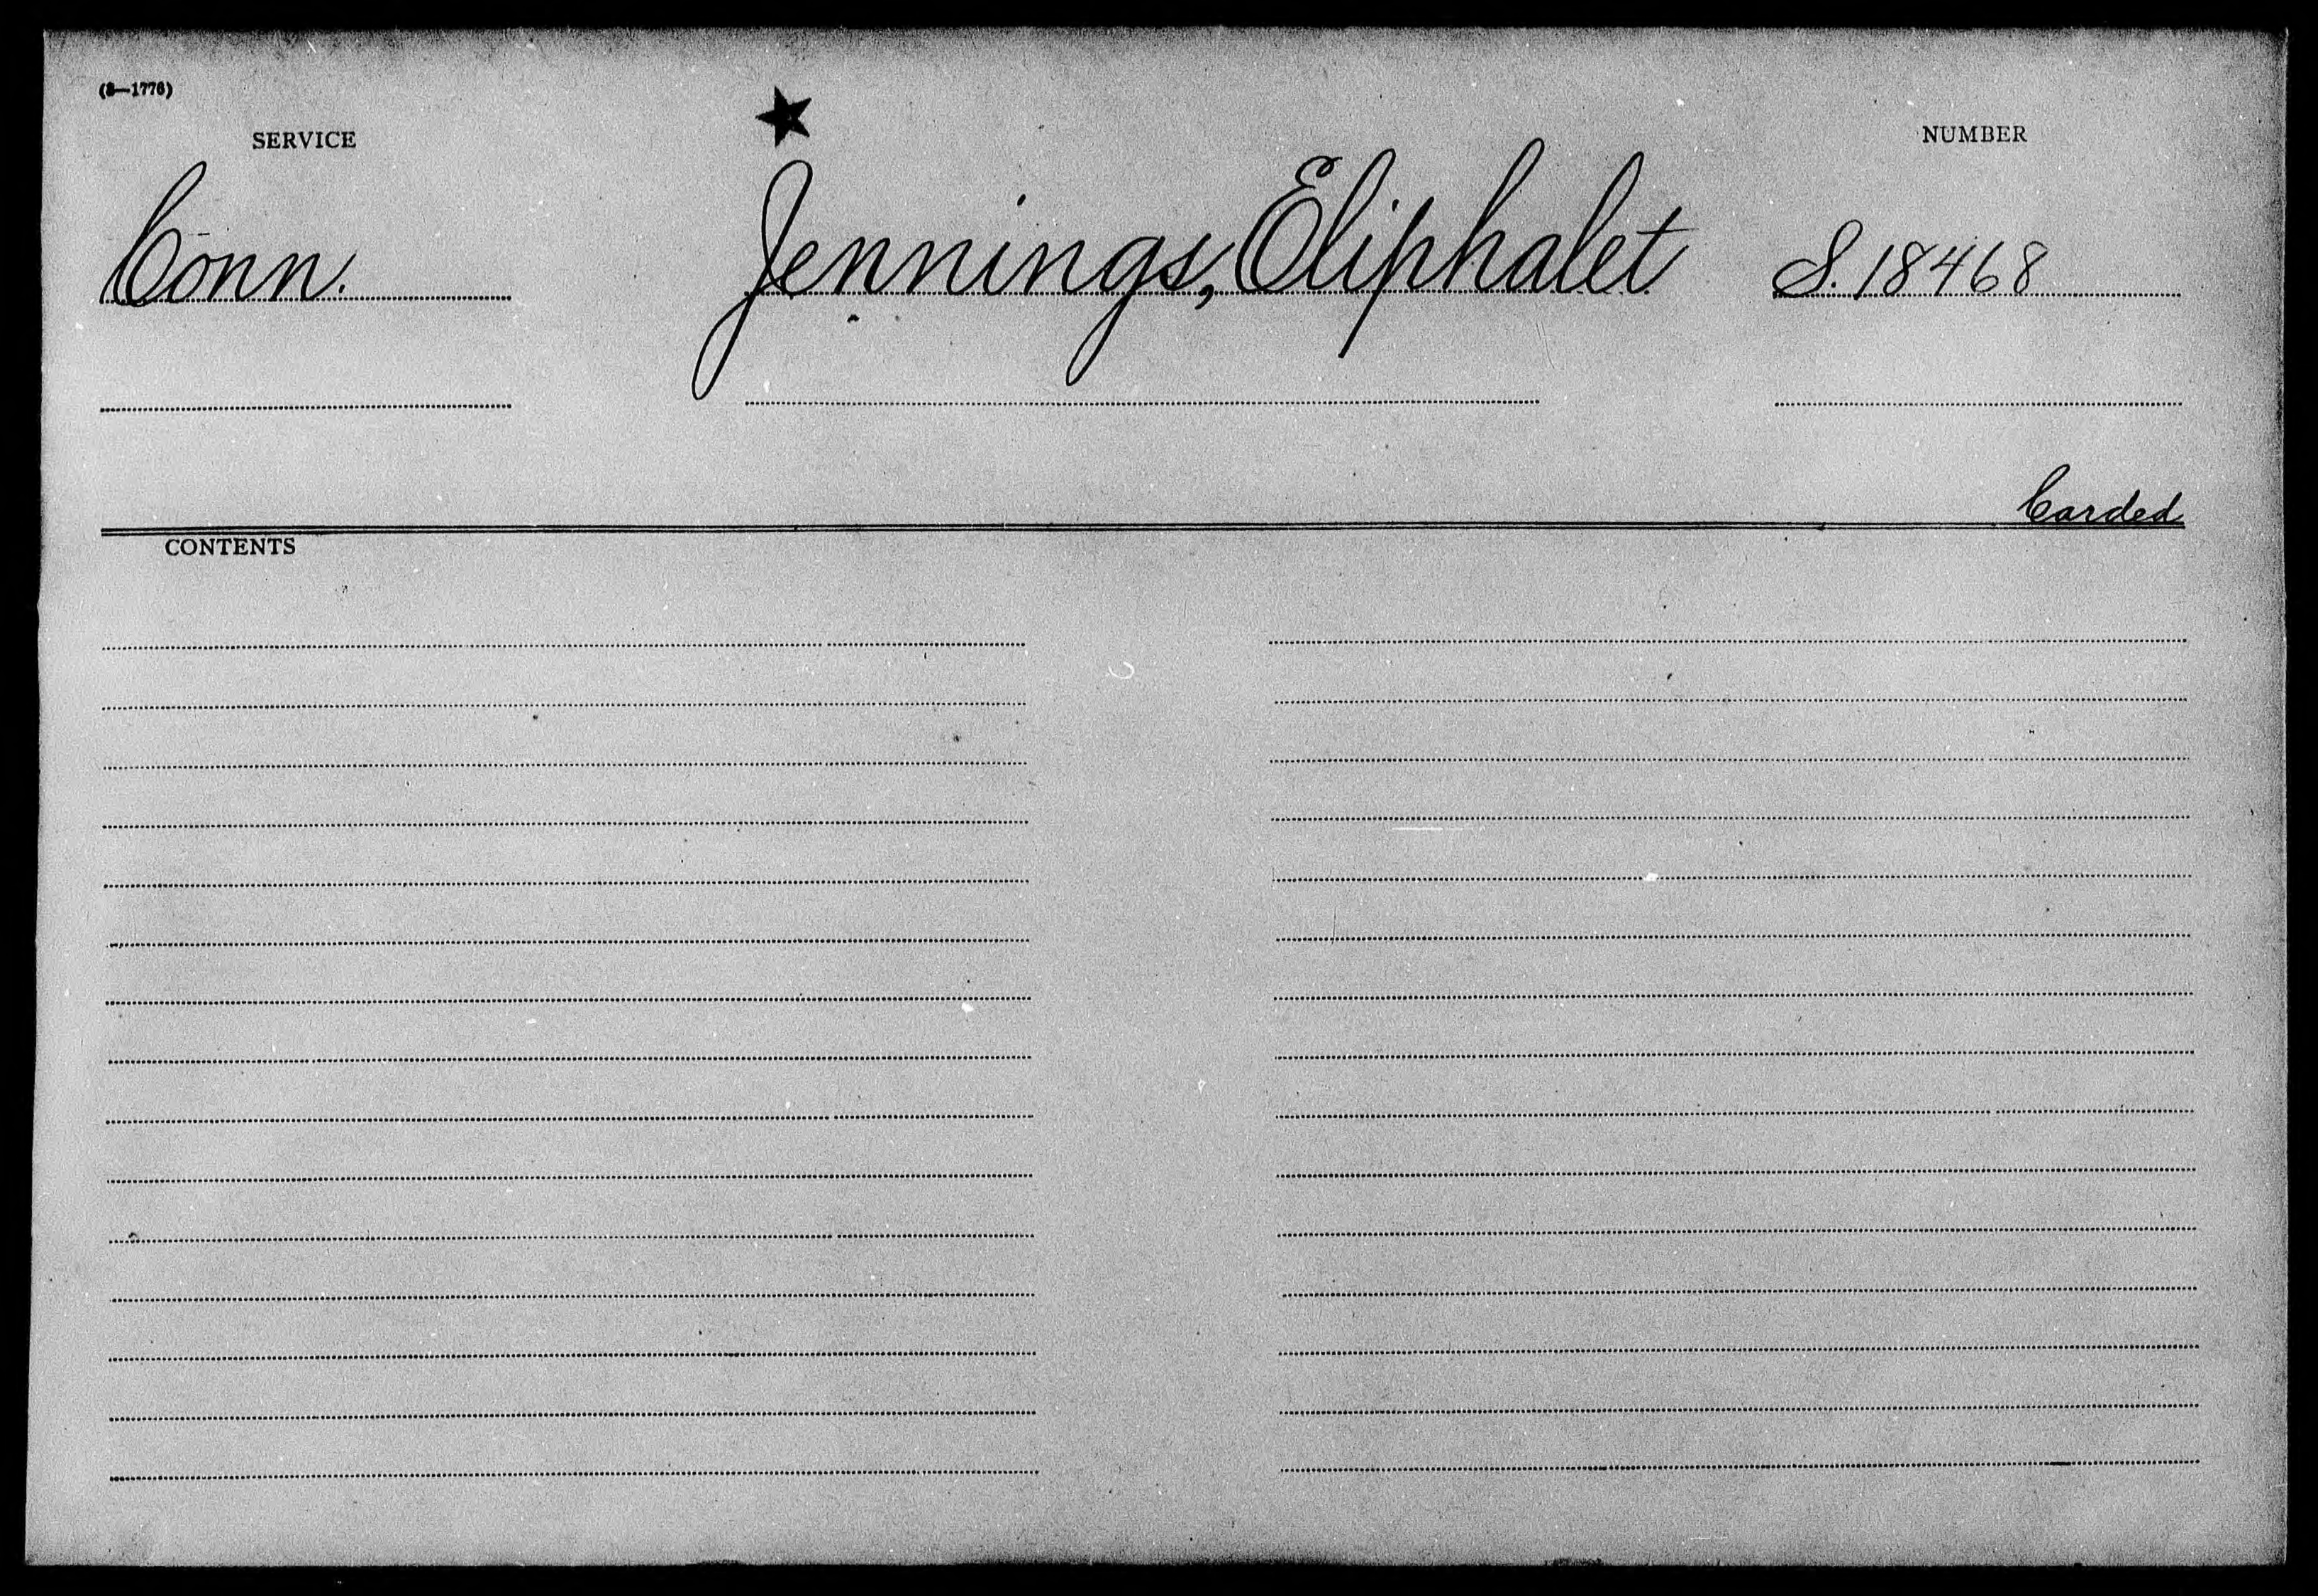(3--1776)

SERVICE
Conn [Connecticut]

Jennings, Eliphalet [stamped star above last name]

NUMBER
S. 18468

Carded
-----------------------
CONTENTS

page: 1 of 10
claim: survivor's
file: S. 18468, for Eliphalet Jennings, Connecticut